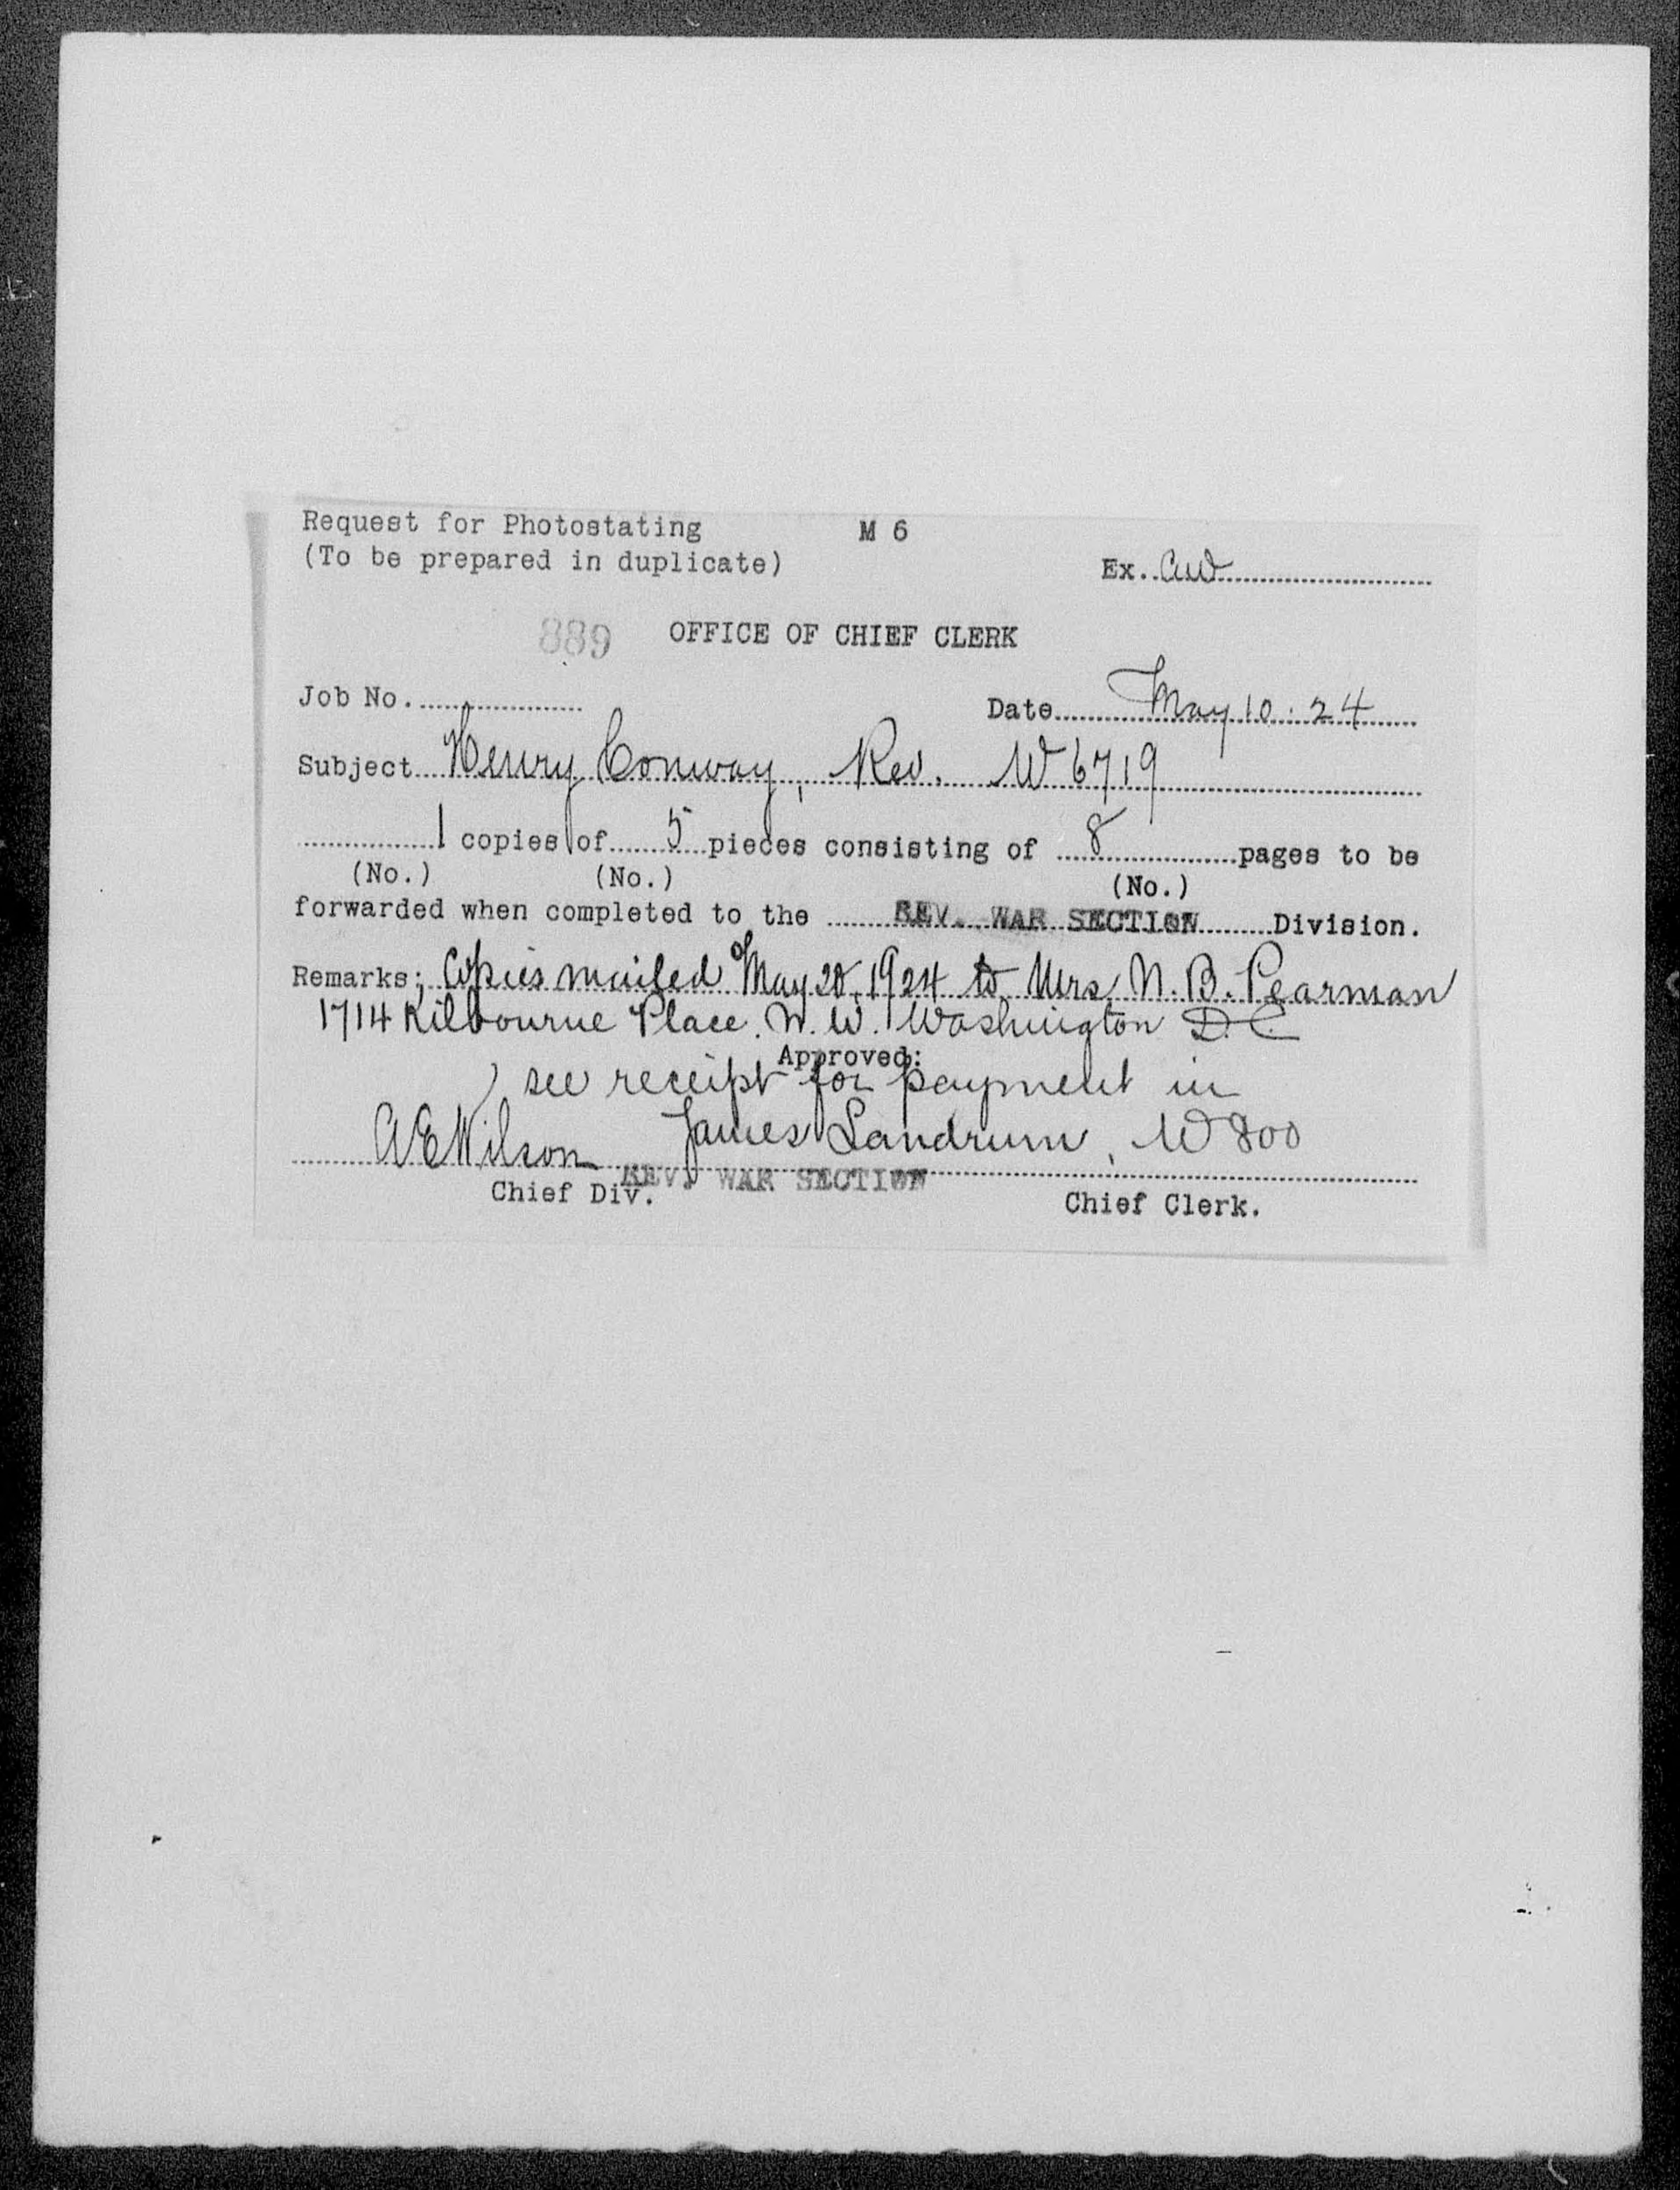Request for Photostating    M6
(To be prepared for duplicate)

Ex. CW

Office of Chief Clerk

Job. No. 889                           Date May 10, 1924

Subject - Henry Conway, Rev. War. W6719

1 copies of 5 pieces consisting of 8 pages to be forwarded when completed to the Rev. War Section Division.

Remarks:  Copies mailed May 20, 1924 to Mrs. N.B. Pearman
1714 Kilbourne Place NW
Washington, DC


see receipt for payment in James Landrum, W800

A.E. Wilson  Rev. War Section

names: A E Wilson, James Landrum, Henry Conway, N B Pearman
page: 8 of 13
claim: widow's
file: W. 6,719, Henry Conway, Va.